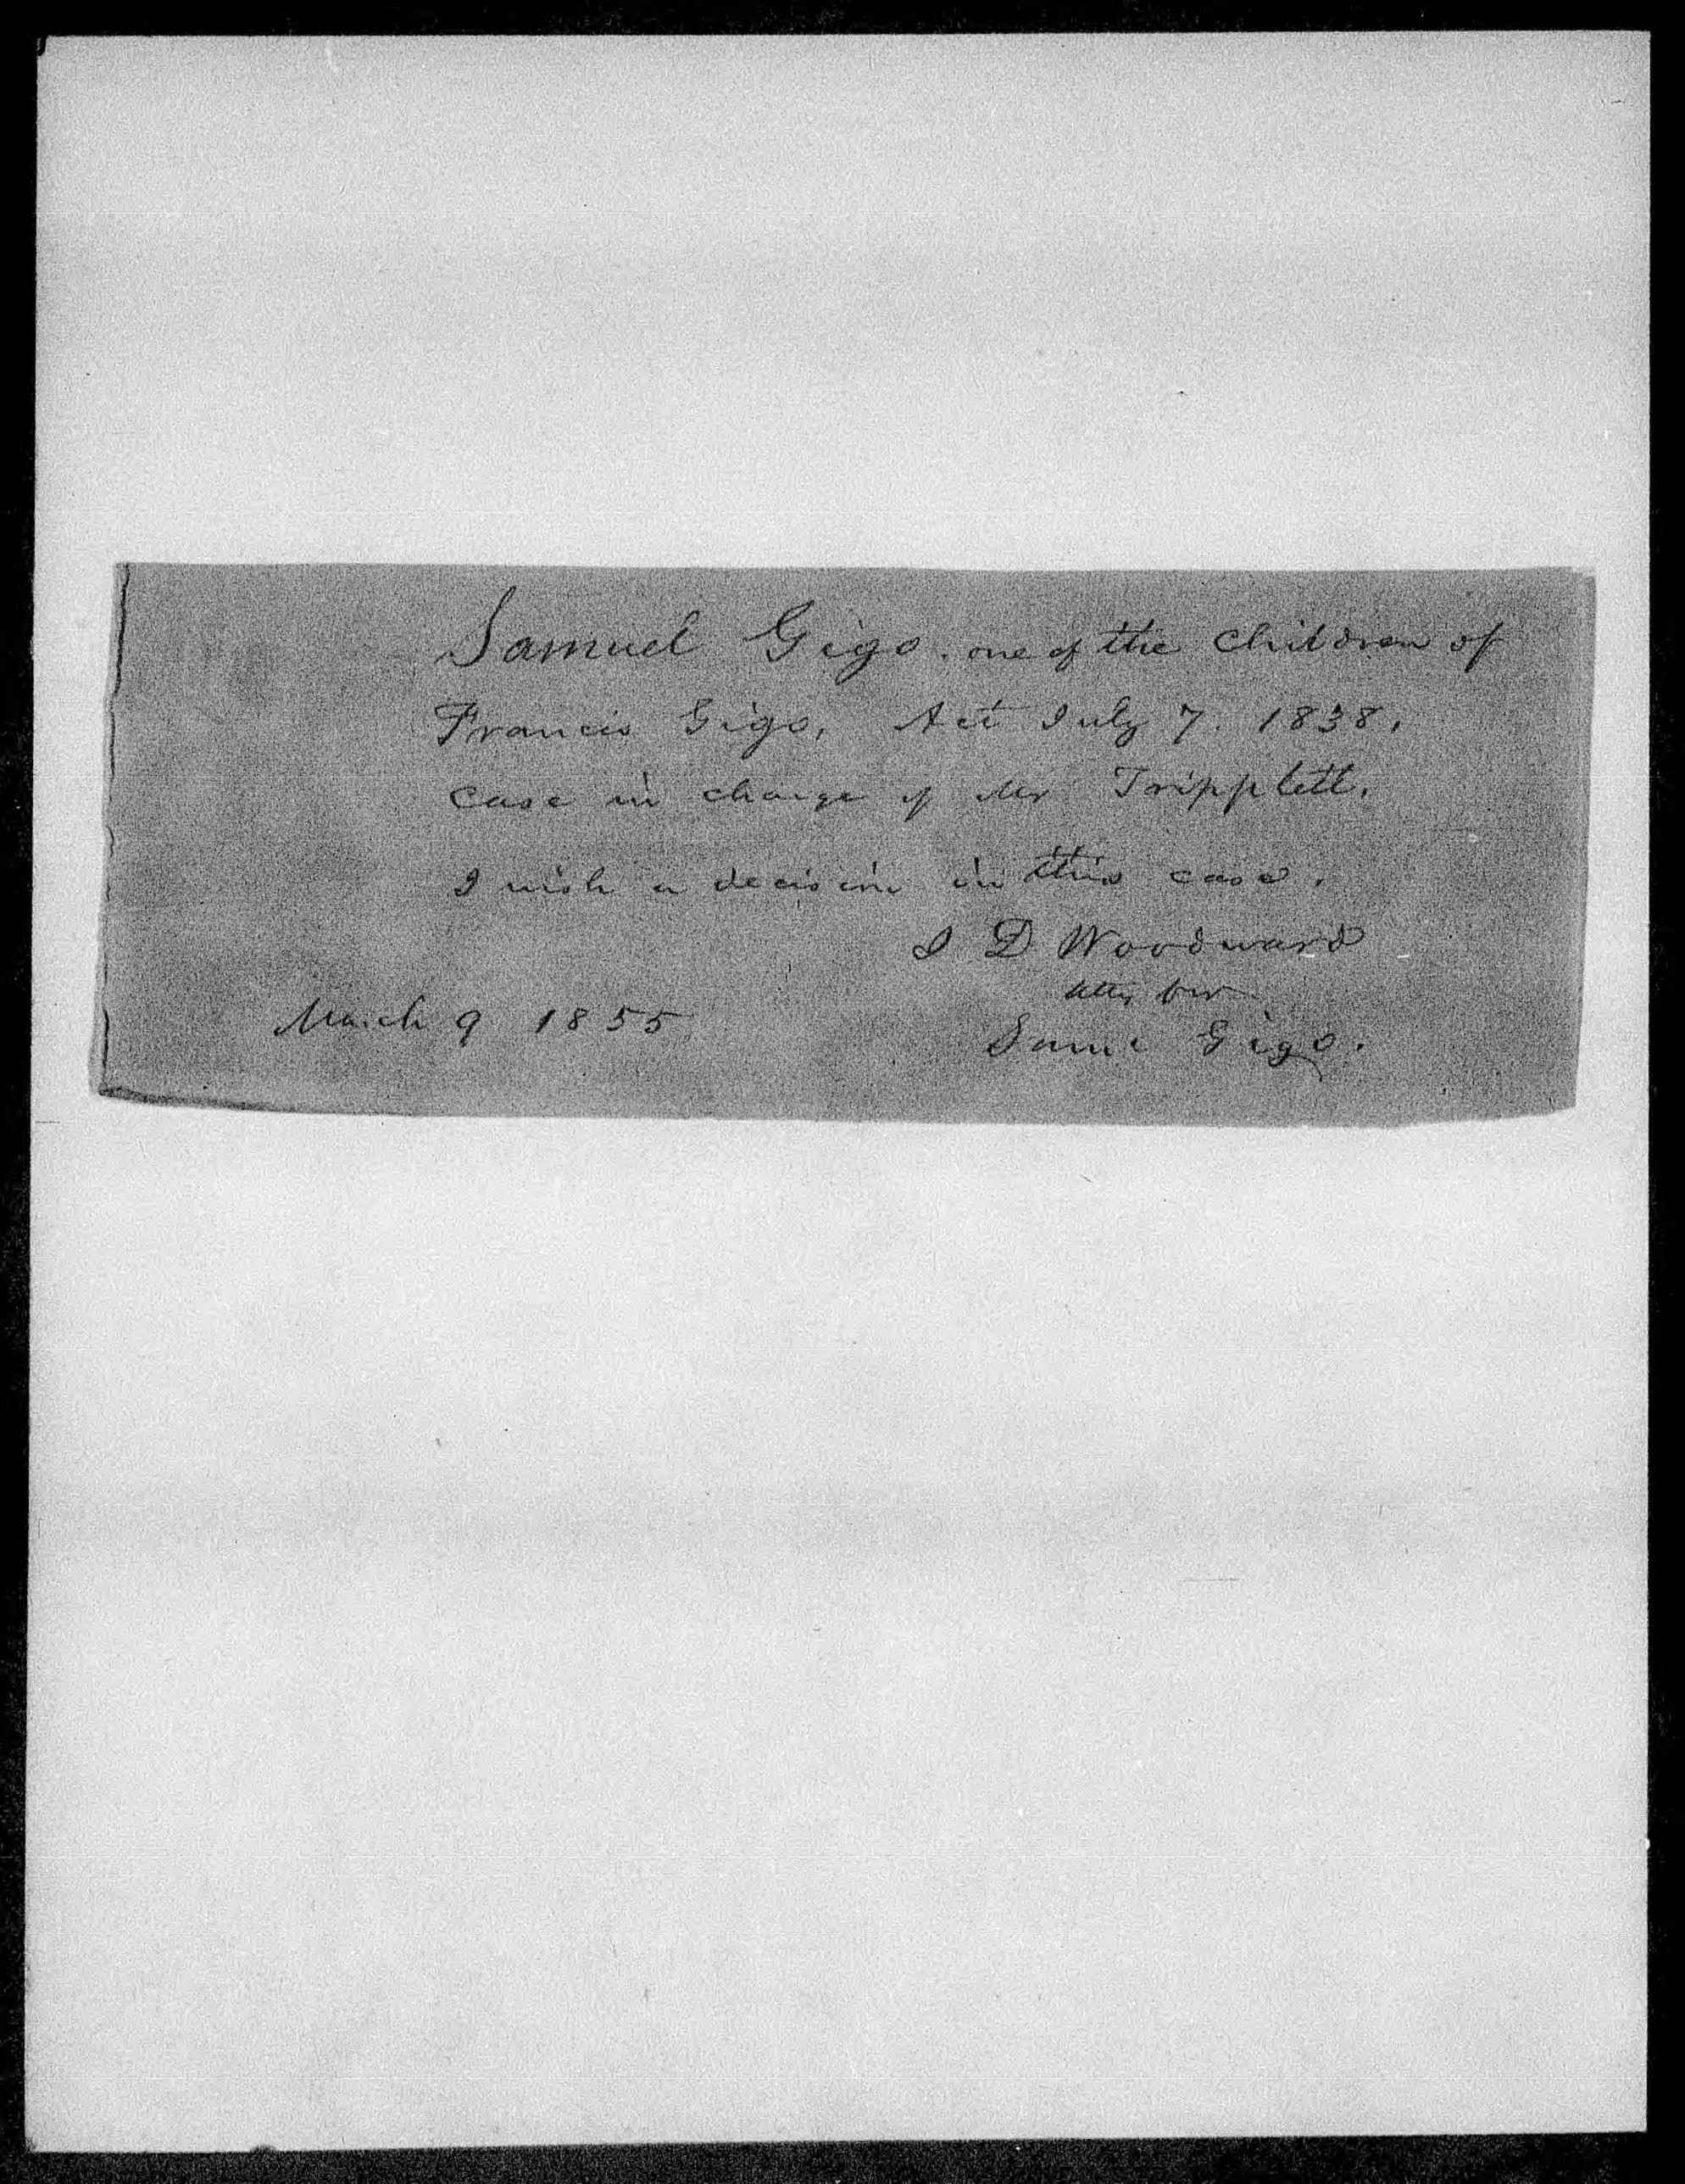Samuel Gigo, one of the children of Francis Gigo, Act July 7, 1838, case in charge of Mr.Tripplett, 
I wish a decision in this case.
J. D. Woodward atty for Saml Gigo
March 9, 1855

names: Samuel Gigo, Tripplett, J D Woodward, Francis Gigo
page: 20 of 98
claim: widow's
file: W. 21182, Francis Gigo, Continental (Canadian)